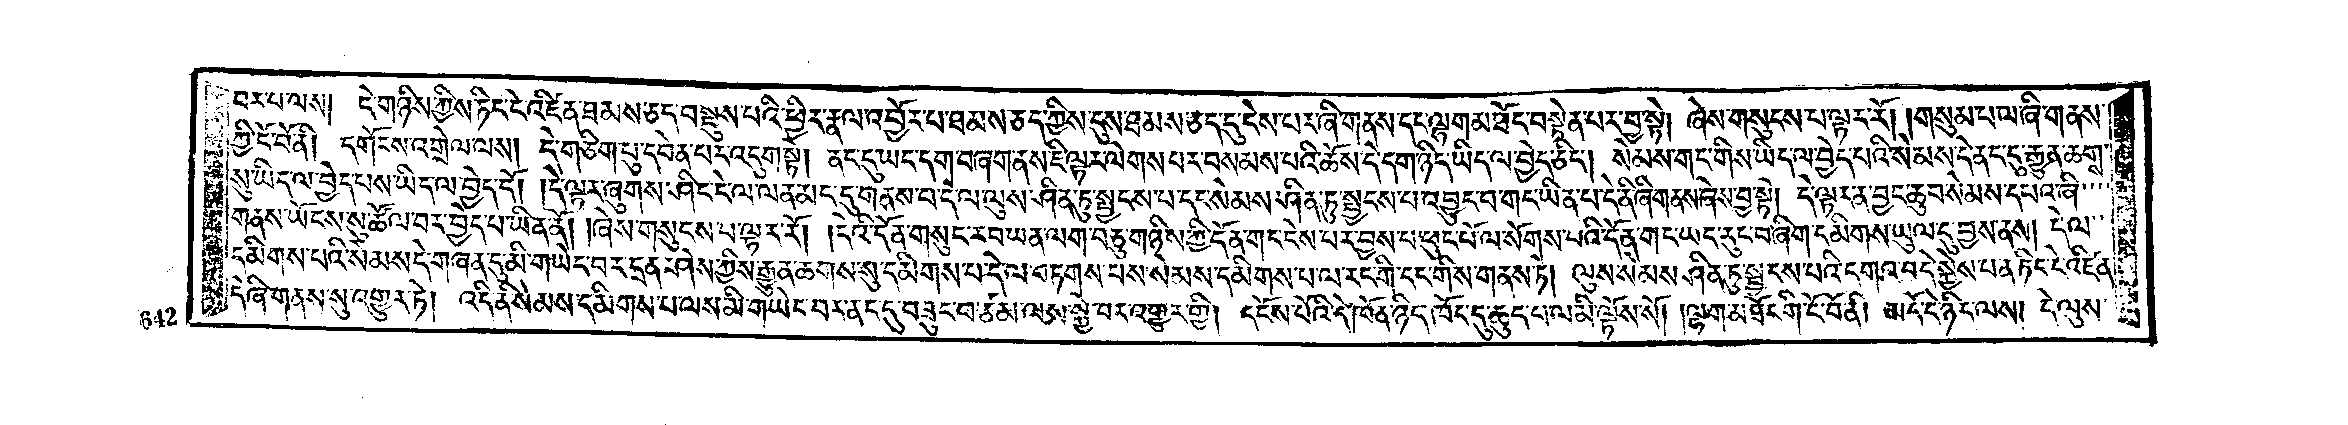བར་པ་ལས། དེ་གཉིས་ཀྱིས་ཏིང་ངེ་འཛིན་ཐམས་ཅད་བསྡུས་པའི་ཕྱིར་རྣལ་འབྱོར་པ་ཐམས་ཅད་ཀྱིས་དུས་ཐམས་ཅད་དུ་ངེས་པར་ཞི་གནས་དང་ལྷག་མཐོང་བསྟེན་པར་བྱ་སྟེ། ཞེས་གསུངས་པ་ལྟར་རོ། །གསུམ་པ་ལ་ཞི་གནས་
ཀྱི་ངོ་བོ་ནི། དགོངས་འགྲེལ་ལས། དེ་གཅིག་པུ་དབེན་པར་འདུག་སྟེ། ནང་དུ་ཡང་དག་བཞག་ནས་ཇི་ལྟར་ལེགས་པར་བསམས་པའི་ཆོས་དེ་དག་ཉིད་ཡིད་ལ་བྱེད་ཅིང་། སེམས་གང་གིས་ཡིད་ལ་བྱེད་པའི་སེམས་དེ་ནང་དུ་རྒྱུན་ཆགས་
སུ་ཡིད་ལ་བྱེད་པས་ཡིད་ལ་བྱེད་དོ། །དེ་ལྟར་ཞུགས་ཤིང་དེ་ལ་ལན་མང་དུ་གནས་པ་དེ་ལ་ལུས་ཤིན་ཏུ་སྦྱངས་པ་དང་སེམས་ཤིན་ཏུ་སྦྱངས་པ་འབྱུང་བ་གང་ཡིན་པ་དེ་ནི་ཞི་གནས་ཞེས་བྱ་སྟེ། དེ་ལྟར་ན་བྱང་ཆུབ་སེམས་དཔའ་ཞི་
གནས་ཡོངས་སུ་ཚོལ་བར་བྱེད་པ་ཡིན་ནོ། །ཞེས་གསུངས་པ་ལྟར་རོ། །དེའི་དོན་གསུང་རབ་ཡན་ལག་བཅུ་གཉིས་ཀྱི་དོན་གང་ངེས་པར་བྱས་པ་ཕུང་པོ་ལ་སོགས་པའི་དོན་གང་ཡང་རུང་བ་ཞིག་དམིགས་ཡུལ་དུ་བྱས་ནས། དེ་ལ་
དམིགས་པའི་སེམས་དེ་གཞན་དུ་མི་གཡེང་བར་དྲན་ཤེས་ཀྱིས་རྒྱུན་ཆགས་སུ་དམིགས་པ་དེ་ལ་བཏགས་པས་སེམས་དམིགས་པ་ལ་རང་གི་ངང་གིས་གནས་ཏེ། ལུས་སེམས་ཤིན་ཏུ་སྦྱངས་པའི་དགའ་བདེ་སྐྱེས་པ་ན་ཏིང་ངེ་འཛིན་
དེ་ཞི་གནས་སུ་འགྱུར་ཏེ། འདི་ནི་སེམས་དམིགས་པ་ལས་མི་གཡེང་བར་ནང་དུ་བཟུང་བ་ཙམ་ལས་སྐྱེ་བར་འགྱུར་གྱི། དངོས་པོའི་དེ་ཁོ་ན་ཉིད་ཁོང་དུ་ཆུད་པ་ལ་མི་ལྟོས་སོ། །ལྷག་མཐོང་གི་ངོ་བོ་ནི། མདོ་དེ་ཉིད་ལས། དེ་ལུས་